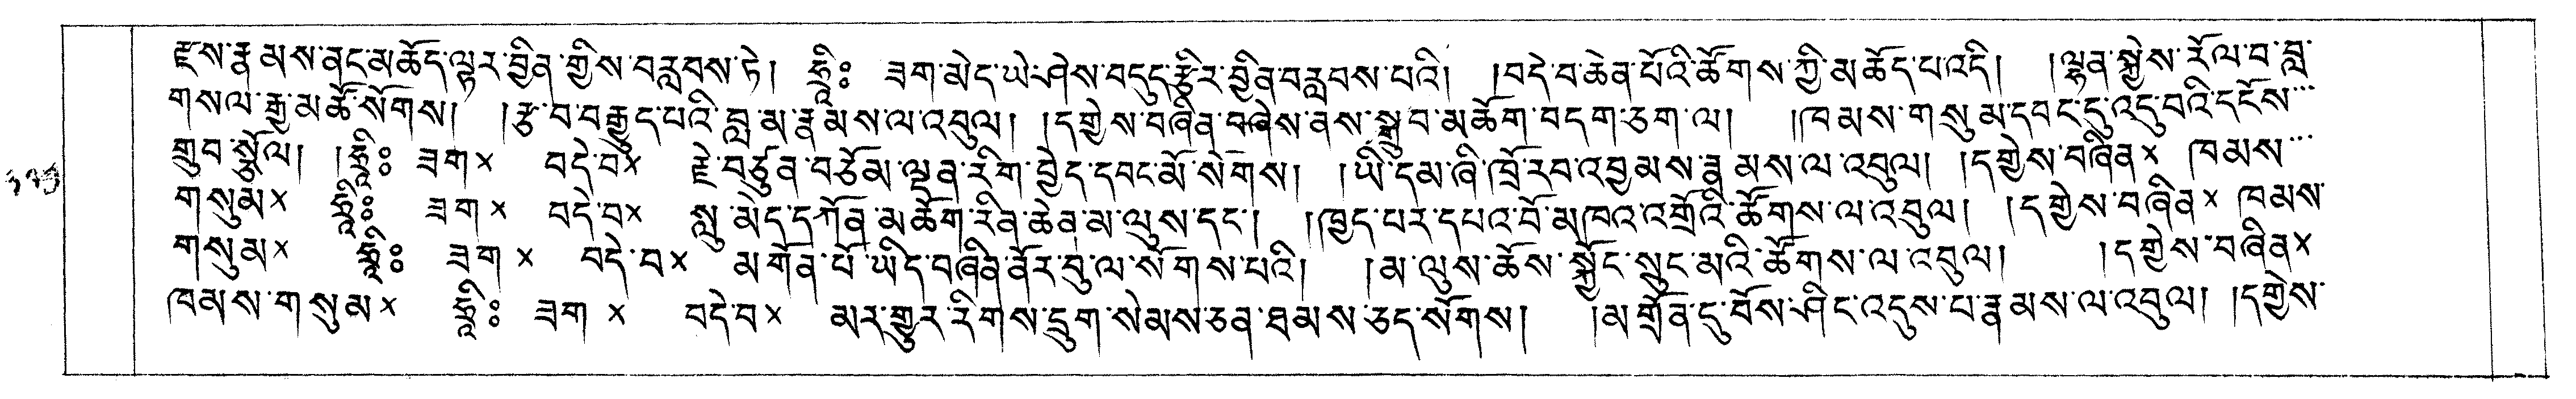རྫས་རྣམས་ནང་མཆོད་ལྟར་བྱིན་གྱིས་བརླབས་ཏེ། ཧྲཱིཿ ཟག་མེད་ཡེ་ཤེས་བདུད་རྩིར་བྱིན་བརླབས་པའི། །བདེ་བ་ཆེན་པོའི་ཚོགས་ཀྱི་མཆོད་པ་འདི། །ལྷན་སྐྱེས་རོལ་བ་བླ་
གསལ་རྒྱ་མཚོ་ཚོགས། །རྩ་བ་བརྒྱུད་པའི་བླ་མ་རྣམས་ལ་འབུལ། །དགྱེས་བཞིན་བཞེས་ནས་སྒྲུབ་མཆོག་བདག་ཅག་ལ། །ཁམས་གསུམ་དབང་དུ་འདུ་བའི་དངོས་
གྲུབ་སྩོལ། །ཧྲཱིཿ ཟག་྾་བདེ་བ་྾་རྗེ་བཙུན་བཅོམ་ལྡན་རིག་བྱེད་དབང་མོ་སོགས། །ཡི་དམ་ཞི་ཁྲོ་རབ་འབྱམས་རྣམས་ལ་འབུལ། །དགྱེས་བཞིན་྾་ཁམས་
གསུམ་྾་ཧྲཱིཿ ཟག་྾་བདེ་བ་྾་སླུ་མེད་དཀོན་མཆོག་རིན་ཆེན་མ་ལུས་དང་། །ཁྱད་པར་དཔའ་བོ་མཁའ་འགྲོའི་ཚོགས་ལ་འབུལ། །དགྱེས་བཞིན་྾་ཁམས་
གསུམ་྾་ཧྲཱིཿ ཟག་྾་བདེ་བ་྾་མགོན་པོ་ཡིད་བཞིན་ནོར་བུ་ལ་སོགས་པའི། །མ་ལུས་ཆོས་སྐྱོང་སྲུང་མའི་ཚོགས་ལ་འབུལ། །དགྱེས་བཞིན་྾་
ཁམས་གསུམ་྾་ཧྲཱིཿ ཟག་྾་བདེ་བ་྾་མར་གྱུར་རིགས་དྲུག་སེམས་ཅན་ཐམས་ཅད་སོགས། །མགྲོན་དུ་བོས་ཤིང་འདུས་པ་རྣམས་ལ་འབུལ། །དགྱེས་